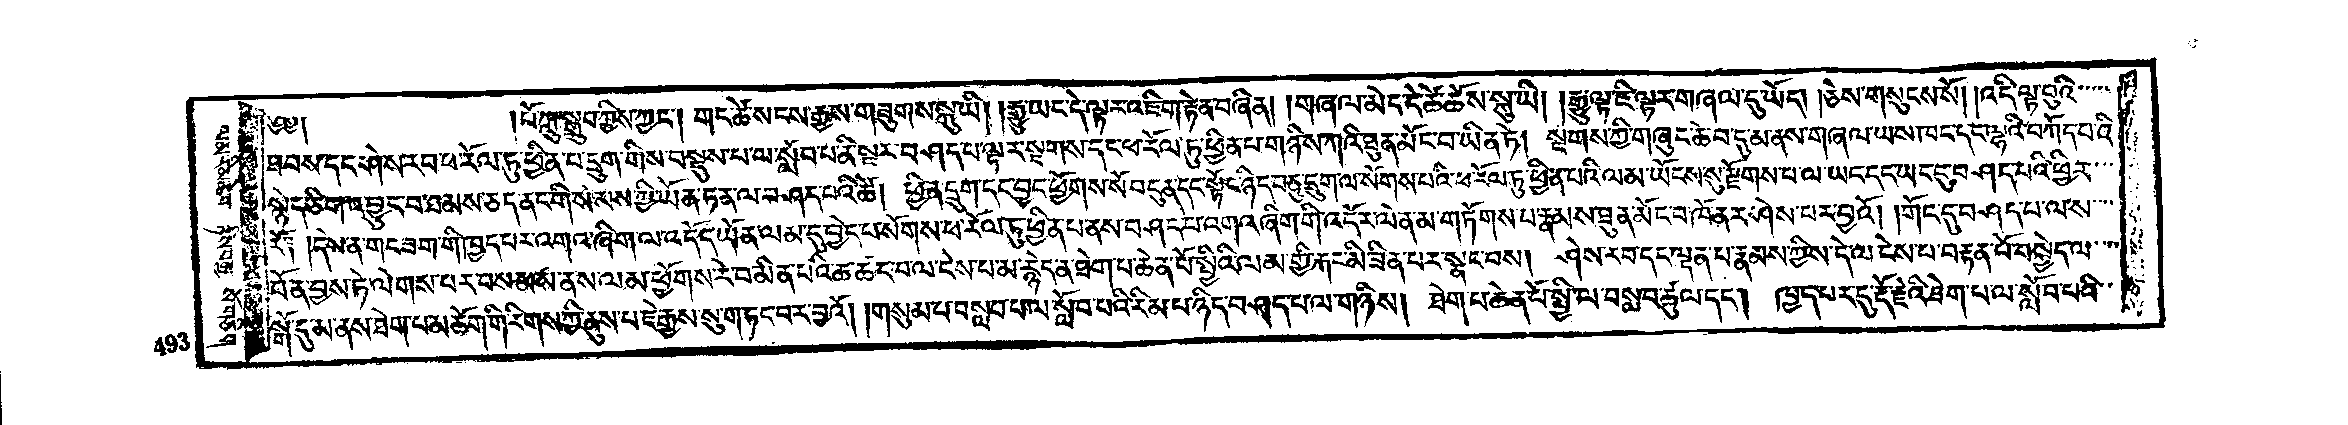༄༅། །པོ་ཀླུ་སྒྲུབ་ཀྱིས་ཀྱང་། གང་ཚེ་སངས་རྒྱས་གཟུགས་སྐུ་ཡི། །རྒྱུ་ཡང་དེ་ལྟར་འཇིག་རྟེན་བཞིན། །གཞལ་མེད་དེ་ཚེ་ཆོས་སྐུ་ཡི། །རྒྱུ་ལྟ་ཇི་ལྟར་གཞལ་དུ་ཡོད། །ཅེས་གསུངས་སོ། །འདི་ལྟ་བུའི་
ཐབས་དང་ཤེས་རབ་ཕ་རོལ་ཏུ་ཕྱིན་པ་དྲུག་གིས་བསྡུས་པ་ལ་སློབ་པ་ནི་སྔར་བཤད་པ་ལྟར་སྔགས་དང་ཕ་རོལ་ཏུ་ཕྱིན་པ་གཉིས་ཀའི་ཐུན་མོང་བ་ཡིན་ཏེ། སྔགས་ཀྱི་གཞུང་ཆེ་བ་དུ་མ་ནས་གཞལ་ཡས་ཁང་དང་ལྷའི་བཀོད་པ་ཇི་
སྙེད་ཅིག་འབྱུང་བ་ཐམས་ཅད་ནང་གི་སེམས་ཀྱི་ཡོན་ཏན་ལ་བཤད་པའི་ཚེ། ཕྱིན་དྲུག་དང་བྱང་ཕྱོགས་སོ་བདུན་དང་སྟོང་ཉིད་བཅུ་དྲུག་ལ་སོགས་པའི་ཕ་རོལ་ཏུ་ཕྱིན་པའི་ལམ་ཡོངས་སུ་རྫོགས་པ་ལ་ཡང་དང་ཡང་དུ་བཤད་པའི་ཕྱིར་
རོ༑ ༑དེས་ན་གང་ཟག་གི་ཁྱད་པར་འགའ་ཞིག་ལ་འདོད་ཡོན་ལམ་དུ་བྱེད་པ་སོགས་ཕ་རོལ་ཏུ་ཕྱིན་པ་ནས་བཤད་པ་འགའ་ཞིག་གི་འདོར་ལེན་མ་གཏོགས་པ་རྣམས་ཐུན་མོང་བ་ཁོ་ནར་ཤེས་པར་བྱའོ། །གོང་དུ་བཤད་པ་ལ་ས་
བོན་བྱས་ཏེ་ལེགས་པར་བསམས་ནས་ལམ་ཕྱོགས་རེ་བ་མིན་པའི་ཆ་ཚང་བ་ལ་ངེས་པ་མ་རྙེད་ན་ཐེག་པ་ཆེན་པོ་སྤྱིའི་ལམ་གྱི་རྐང་མི་ཟིན་པར་སྣང་བས། ཤེས་རབ་དང་ལྡན་པ་རྣམས་ཀྱིས་དེ་ལ་ངེས་པ་བརྟན་པོ་བསྐྱེད་ལ་
སྒོ་དུ་མ་ནས་ཐེག་པ་མཆོག་གི་རིགས་ཀྱི་ནུས་པ་ཇེ་རྒྱས་སུ་གཏང་བར་བྱའོ། །གསུམ་པ་བསླབ་པ་ལ་སློབ་པའི་རིམ་པ་ཉིད་བཤད་པ་ལ་གཉིས། ཐེག་པ་ཆེན་པོ་སྤྱི་ལ་བསླབ་ཚུལ་དང་། ཁྱད་པར་དུ་རྡོ་རྗེའི་ཐེག་པ་ལ་སློབ་པའི་